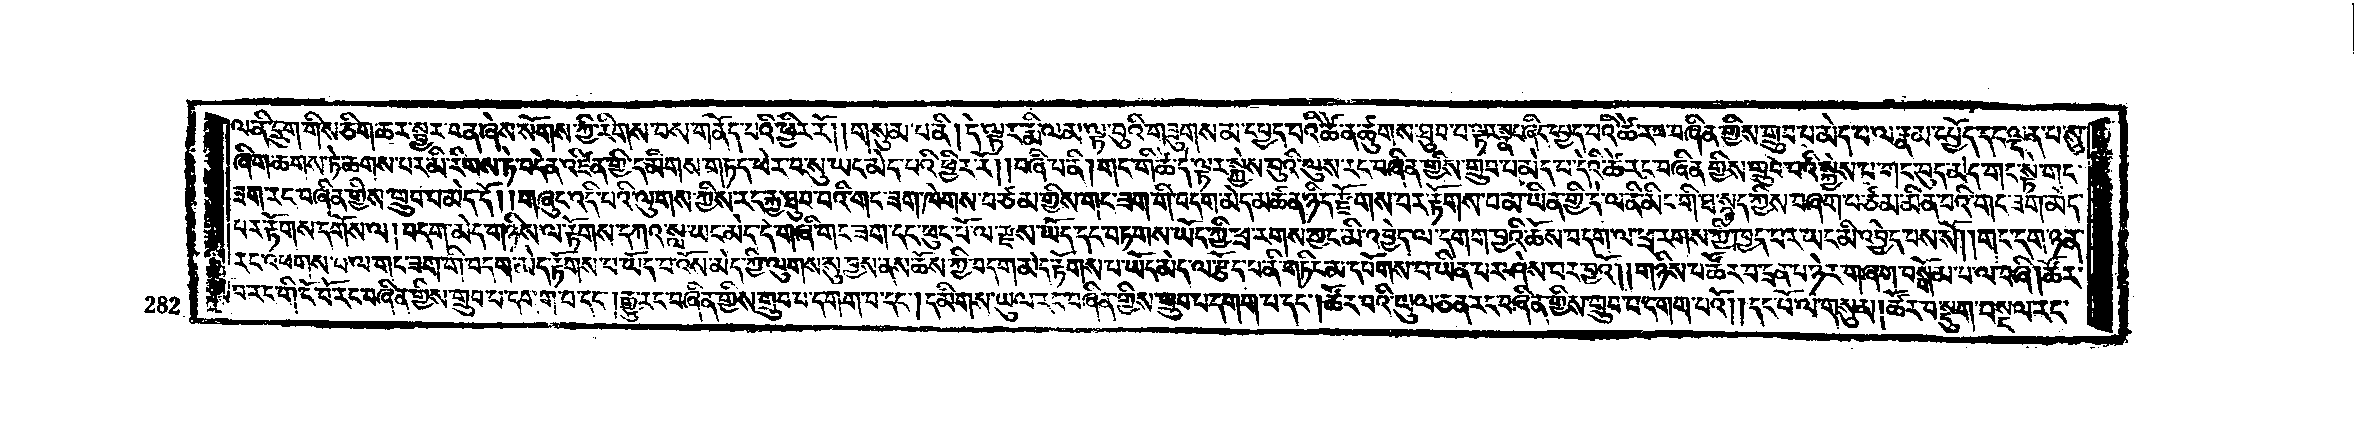ལ་ནི་དྲུག་གིས་ཅིག་ཆར་སྦྱར་བ་ན་ཞེས་སོགས་ཀྱི་རིགས་པས་གནོད་པའི་ཕྱིར་རོ། །གསུམ་པ་ནི། དེ་ལྟར་རྨི་ལས་ལྟ་བུའི་གཟུགས་མ་དཔྱད་པའི་ཚེ་ན་ཚུགས་ཐུབ་པ་ལྟར་སྣང་ཞིང་དཔྱད་པའི་ཚེ་རབ་བཞིན་གྱིས་གྲུབ་པ་མེད་པ་ལ་རྣམ་དཔྱོད་དང་ལྡན་པ་སུ་
ཞིག་ཆགས་ཏེ་ཆགས་པར་མི་རིགས་ཏེ་བདེན་འཛིན་གྱི་དམིགས་གཏད་ཕེར་བ་སུ་ཡང་མེད་པའི་ཕྱིར་རོ། །བཞི་པ་ནི། གང་གི་ཚེ་དེ་ལྟར་སྐྱེས་བུའི་ལུས་རང་བཞིན་གྱིས་གྲུབ་པ་མེད་པ་དེའི་ཚེ་རང་བཞིན་གྱིས་གྲུབ་པའི་སྐྱེས་པ་གང་བུད་མེད་གང་སྟེ་གང་
ཟག་རང་བཞིན་གྱིས་གྲུབ་པ་མེད་དོ། །གཞུང་འདི་བའི་ལུགས་ཀྱིས་རང་རྐྱ་ཐུབ་པའི་གང་ཟག་ཁེགས་པ་ཙམ་གྱིས་གང་ཟག་གི་བདག་མེད་མཚན་ཉིད་རྫོགས་པར་རྟོགས་པ་མ་ཡིན་གྱི་དེ་ལ་ནི་མིང་གི་ཐ་སྙད་ཀྱིས་བཞག་པ་ཙམ་མིན་པའི་གང་ཟག་མེད་
པར་རྟོགས་དགོས་ལ། བདག་མེད་གཉིས་ལ་རྟོགས་དཀའ་སླ་ཡང་མེད་དེ་གཞི་གང་ཟག་དང་ཕུང་པོ་ལ་རྫས་ཡོད་དང་བཏགས་ཡོད་ཀྱི་ཕྲ་རགས་ཀྱང་མི་འབྱེད་ལ་དགག་བྱའི་ཆོས་བདག་ལ་ཕྲ་རགས་ཀྱི་ཁྱད་པར་ཡང་མི་འབྱེད་པས་སོ། །གང་དག་ཉན་
རང་འཕགས་པ་ལ་གང་ཟག་གི་བདག་མེད་རྟོགས་པ་ཡོད་པ་འོས་མེད་ཀྱི་ལུགས་སུ་བྱས་ནས་ཆོས་ཀྱི་བདག་མེད་རྟོགས་པ་ཡོད་མེད་ལ་རྩོད་པ་ནི་གཏིང་མ་དཔོགས་པ་ཡིན་པར་ཤེས་པར་བྱའོ། །གཉིས་པ་ཚོར་བ་དྲན་པ་ཉེར་གཞག་བསྒོམ་པ་ལ་བཞི། ཚོར་
བ་རང་གི་ངོ་བོ་རང་བཞིན་གྱིས་གྲུབ་པ་དགག་པ་དང་། རྒྱུ་རང་བཞིན་གྱིས་གྲུབ་པ་དགག་པ་དང་། དམིགས་ཡུལ་རང་བཞིན་གྱིས་གྲུབ་པ་དགག་པ་དང་ཚོར་བའི་ཡུལ་ཅན་རང་བཞིན་གྱིས་གྲུབ་པ་དགག་པའོ། །དང་པོ་ལ་གསུམ། ཚོར་བ་སྡུག་བསྔལ་རང་